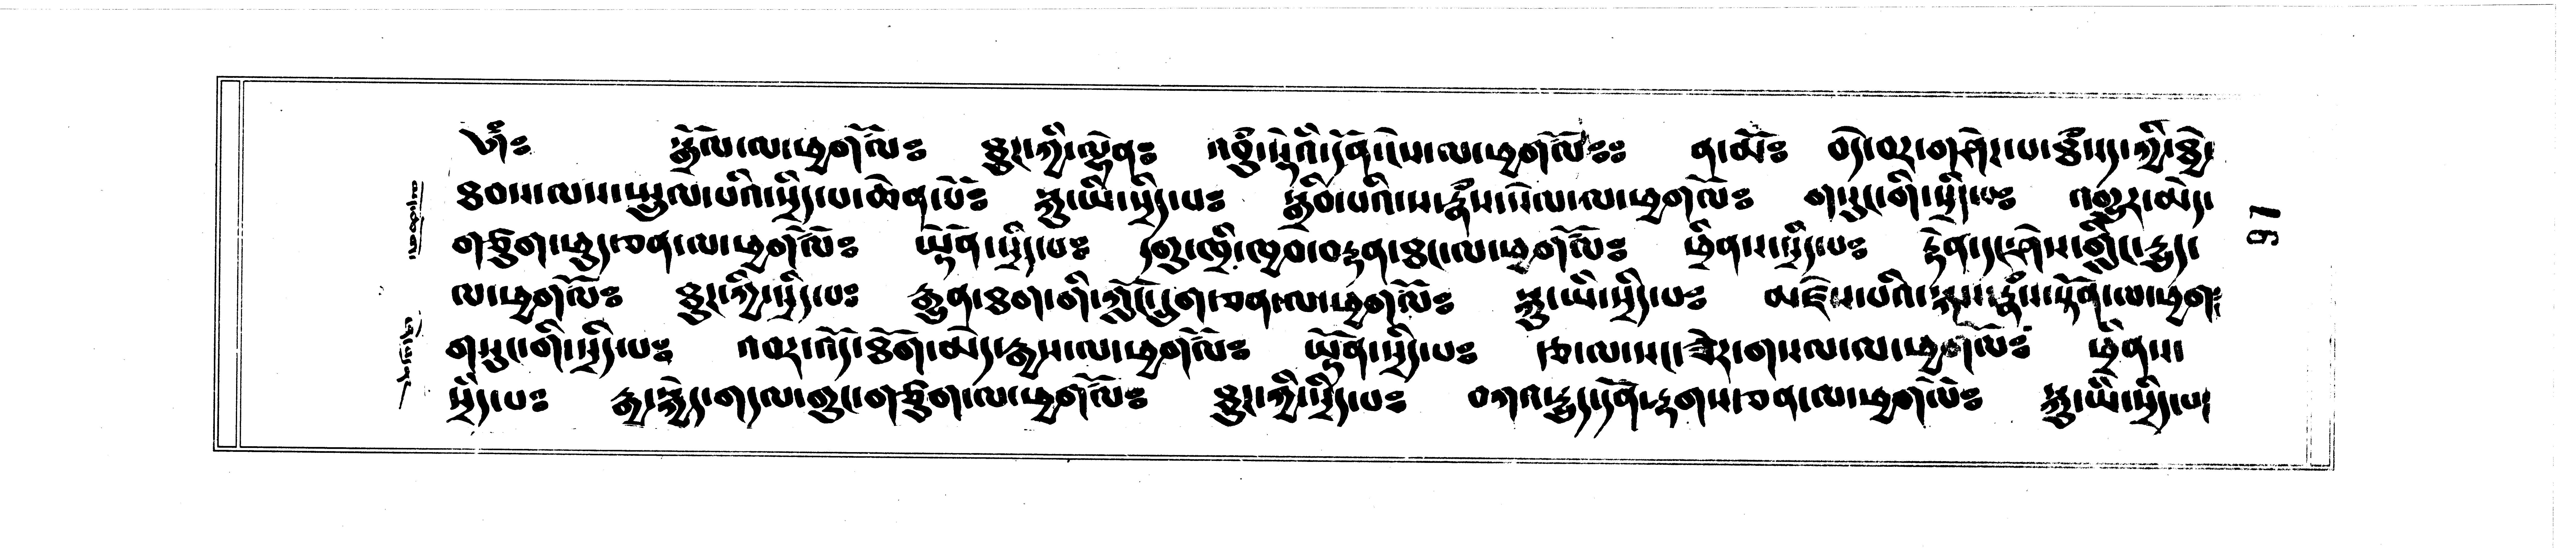སྒྲོལ་ཕྱག་འཚལ་ལོཿ ཐུགས་ཀྱི་ལྷ་ཆེནཿ འབུམ་སྡེའི་དོན་ངེས་ལ་ཕྱག་འཚལ་ལོཿ ན་མོ་བདེ་བར་གཤེགས་པ་ཐམས་ཅད་ཀྱི་ཐུགས་རྗེ་
ཐབས་ལས་སྤྲུལ་པའི་སྲིད་པ་ཆེན་པོཿ སྐུ་ཡི་སྲིད་པཿ སྒྲིབ་པའི་ས་རྣམས་སེལ་ཕྱག་འཚལ་ལོཿ གསུང་གི་སྲིད་པཿ འགྱུར་མེད་
གཙུག་ཕུད་ཅན་ལ་ཕྱག་འཚལ་ལོཿ ཡོན་ཏན་གྱི་སྲིད་པཿ དགུ་ཁྲི་ཁྱབ་བརྟན་ཐང་ལ་ཕྱག་འཚལ་ལོཿ ཕྲིན་ལས་ཀྱི་སྲིད་པཿ རྟེན་དང་ཤེས་གླིང་རྒྱུད་
ལ་ཕྱག་འཚལ་ལོཿ ཐུགས་ཀྱི་སྲིད་པཿ རྒྱུན་ཐག་གི་ཀློང་དྲུང་ཅན་ལ་ཕྱག་འཚལ་ལོཿ སྐུ་ཡི་སྲིད་པཿ འཛེགས་པའི་སྐས་རྣམས་སྟོན་ལ་ཕྱག་འཚལ་ལོཿ 
གསུང་གི་སྲིད་པཿ འབར་འོད་ཐོགས་མེད་རྒྱས་ལ་ཕྱག་འཚལ་ལོཿ ཡོན་ཏན་གྱི་སྲིད་པཿ རྩ་ལ་སངས་ཟེར་གསལ་ལ་ཕྱག་འཚལ་ལོཿ ཕྲིན་ལས་
སྲིད་པཿ རྒྱ་སྐྱེད་བདལ་གུང་གཙུག་ལ་ཕྱག་འཚལ་ལོཿ ཐུགས་ཀྱི་སྲིད་པཿ བཀའ་རྒྱུད་དོན་རྟགས་ཅན་ལ་ཕྱག་འཚལ་ལོཿ སྐུ་ཡི་སྲིད་པཿ